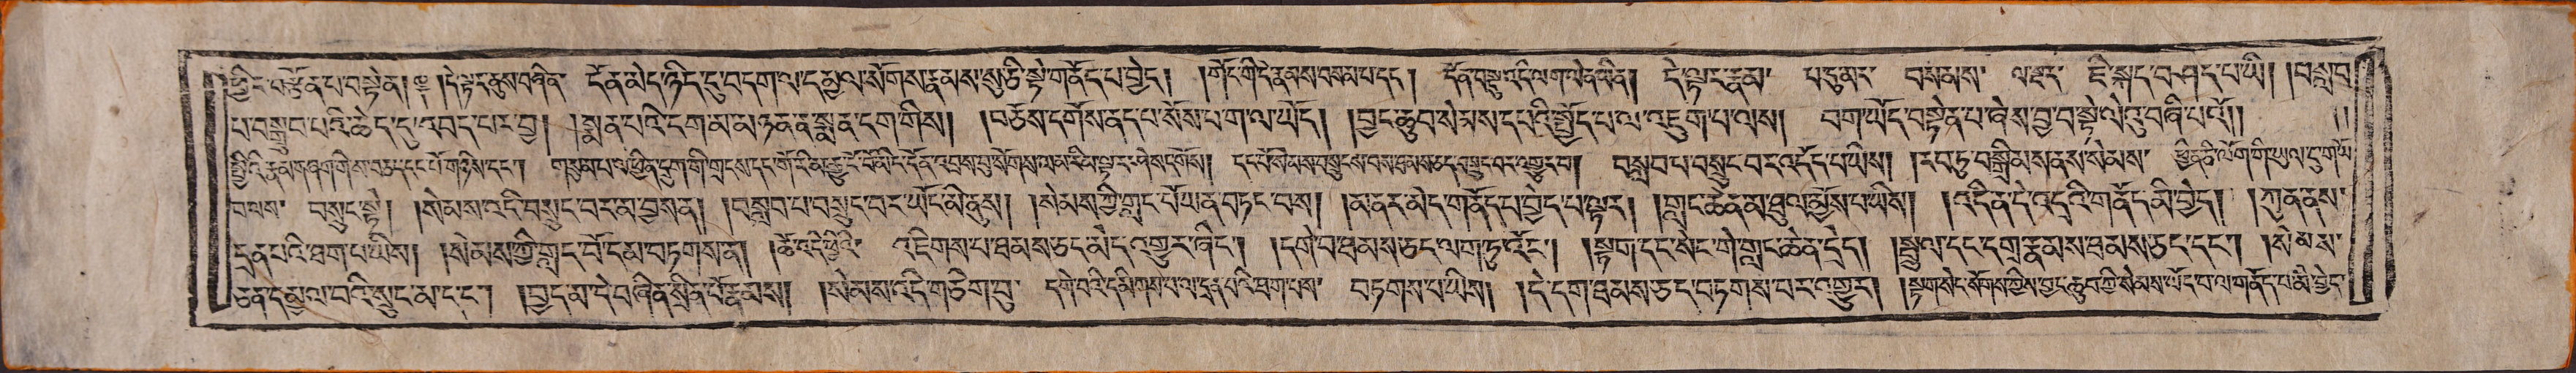ཕྱིར་བརྩོན་པ་བསྟེན། ༈ །དེ་ལྟར་ནུས་བཞིན་དོན་མེད་ཉིད་དུ་བདག་ལ་དམྱལ་སོགས་རྣམས་སུ་ཅི་སྟེ་གནོད་པ་བྱེད། །གོང་གི་དེ་རྣམས་བསམ་པ་དང་། དོན་བསྡུ་འདི་ལག་ལེན་ཡིན།  དེ་ལྟར་རྣམ་པ་དུ་མར་བསམས་ལ་སྔར་ཇི་སྐད་བཤད་པ་ཡི། །བསླབ་
པ་བསྒྲུབ་པའི་ཆེད་དུ་འབད་པར་བྱ། །སྨན་པའི་ངག་མ་མཉན་ན་སྨན་དག་གིས། །བཅོས་དགོས་ནད་པ་སོས་པ་ག་ལ་ཡོད། །བྱང་ཆུབ་སེམས་དཔའི་སྤྱོད་པ་ལ་འཇུག་པ་ལས། །བག་ཡོད་བསྟེན་པ་ཞེས་བྱ་བ་སྟེ་ལེའུ་བཞི་པའོ།། །།
སྤྱིའི་རྣམ་གཞག་གིས་བཅད་དང་པོ་གཉིས་དང་། གསུམ་པ་ལ་ཕྱིན་དྲུག་གི་གྲངས་དང་གོ་རིམ་རྒྱུ་ངོ་བོ་མིང་དོན་འབྲས་བུ་སོགས་ལམ་རིམ་ལྟར་ཤེས་དགོས། དང་པོ་སེམས་བསྲུངས་པས་ཐམས་ཅད་བསྲུང་བར་འགྱུར་བ།  བསླབ་པ་བསྲུང་བར་འདོད་པ་ཡིས། །རབ་ཏུ་བསྒྲིམས་ནས་སེམས་ཕྱིན་ཅི་ལོག་གི་ཡུལ་དུ་གཡོ་
བ་ལས་བསྲུང་སྟེ། །སེམས་འདི་བསྲུང་བར་མ་བྱས་ན། །བསླབ་པ་བསྲུང་བར་ཡོང་མི་ནུས། །སེམས་ཀྱི་གླང་པོ་ཡན་བཏང་བས། །མནར་མེད་གནོད་པ་བྱེད་པ་ལྟར། །གླང་ཆེན་མ་ཐུལ་མྱོས་པ་ཡིས། །འདི་ན་དེ་འདྲའི་གནོད་མི་བྱེད། །ཀུན་ནས་
དྲན་པའི་ཐག་པ་ཡིས། །སེམས་ཀྱི་གླང་པོ་དམ་བཏགས་ན། །ཚེ་འདི་ཕྱིའི་འཇིགས་པ་ཐམས་ཅད་མེད་འགྱུར་ཞིང་། །དགེ་བ་ཐམས་ཅད་ལག་ཏུ་འོང་། །སྟག་དང་སེང་གེ་གླང་ཆེན་དྲེད། །སྤྲུལ་དང་དགྲ་རྣམས་ཐམས་ཅད་དང་། །སེམས་
ཅན་དམྱལ་བའི་སྲུང་མ་དང་། །བྱད་མ་དེ་བཞིན་སྲིན་པོ་རྣམས། །སེམས་འདི་གཅིག་པུ་དགེ་བའི་དམིགས་པ་ལ་དྲན་པའི་ཐག་པས་བཏགས་པ་ཡིས། །དེ་དག་ཐམས་ཅད་བཏགས་པར་འགྱུར། །སྟག་སེང་སོགས་ཀྱིས་བྱང་ཆུབ་ཀྱི་སེམས་ཡོད་པ་ལ་གནོད་པ་མི་བྱེད་